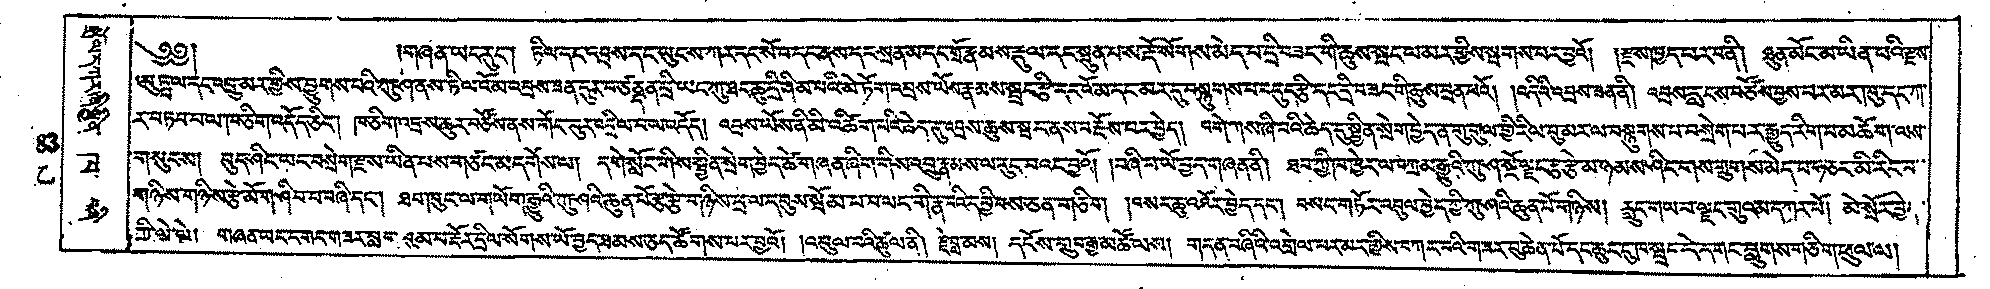༄༅། །གཞན་ཡང་རུང་། ཏིལ་དང་འབྲས་དང་ཡུངས་ཀར་དང་སོ་བ་དང་ནས་དང་སྲན་མ་དང་གྲོ་རྣམས་རྡུལ་དང་སྦུན་པ་ས་རྡོ་སོགས་མེད་པ་དྲི་བཟང་གི་ཆུས་སྦང་ལ་མར་གྱིས་སྦགས་པར་བྱའོ། །རྫས་ཁྱད་པར་བ་ནི། ཐུན་མོང་མ་ཡིན་པའི་རྫས་
ཨུཏྤ་ལ་དང་འབྲུ་མར་གྱིས་བྱུགས་པའི་ཀུ་ཤ་ནས་ཏིལ་འོ་མ་འབྲས་ཟན་དུར་བ་ཙནྡན་པྲི་ཡང་ཀུ་ཐང་ཆུ་དྲི་ཞིམ་པའི་མེ་ཏོག་འབྲས་ཡོས་རྣམས་སྦྲང་རྩི་དང་འོ་མ་དང་མར་དུ་བསྙུགས་པ་བདུད་རྩི་དང་དྲི་བཟང་གི་ཆུས་བྲན་པའོ། །འདིའི་འབྲས་ཟན་ནི། འབྲས་རླངས་བཙོས་བྱས་པར་མར་ཁུ་དང་ཀ་
ར་བཏབ་པ་ལ་ཁ་ཅིག་འདོད་ཅིང་། ཁ་ཅིག་འབྲས་ཆུར་བཙོས་ནས་གོང་བུར་འདྲིལ་བ་ལ་འདོད། འབྲས་ཡོས་ནི་མི་འཚིག་པའི་ཆེད་དུ་འབྲས་ཆུས་སྦང་ནས་བརྡོས་པར་བྱེད། བགེགས་ཞི་བའི་ཆེད་དུ་སྦྱིན་སྲེག་བྱེད་ན་གུ་གུལ་གྱི་རིལ་བུ་མར་ལ་བསྙུགས་པ་བསྲེག་པར་རྒྱུད་རིག་པ་མཆོག་ལས་
གསུངས། བུད་ཤིང་ཡང་བསྲེག་རྫས་ཡིན་པས་གཙང་མ་དགོས་ལ། དགེ་སློང་གིས་སྦྱིན་སྲེག་བྱེད་ཚེ་གཞན་ཞིག་གིས་འབྲུ་རྣམས་ལ་རུང་བའང་བྱའོ། །བཞི་པ་ཡོ་བྱད་གཞན་ནི། ཐབ་ཀྱི་ཁ་ཁྱེར་ལ་བཀྲམ་རྒྱུའི་ཀུ་ཤ་སྔོ་ལྷང་རྩ་རྩེ་མ་ཉམས་ཤིང་གས་གྲུགས་མེད་པ་ཧ་ཅང་མི་རིང་བ་་་
གཉིས་གཉིས་རྩེ་མོ་གཤིབ་པ་བཞི་དང་། ཐབ་ཁུང་ལ་གཡོག་རྒྱུའི་ཀུ་ཤའི་ཆུན་པོ་རྩ་རྩེ་གཉིས་ཕྲ་ལ་དབུས་སྦོམ་པ་བ་ལང་གི་རྣ་བའི་དབྱིབས་ཅན་གཅིག །བསང་ཆུ་འཐོར་བྱེད་དང་། བསང་གཏོར་འབུལ་བྱེད་ཀྱི་ཀུ་ཤའི་ཆུན་པོ་གཉིས། རླུང་གཡབ་ལྗང་གུའམ་དཀར་པོ། མེ་སྤོར་བྱེད་
ཀྱི་ལྦེ་ལྦེ། གཞན་ཡང་དགད་གཟར་བླག་བུམ་པ་རྡོར་དྲིལ་ལ་སོགས་ཡོ་བྱད་ཐམས་ཅད་ཚོགས་པར་བྱའོ། །འབུལ་བའི་ཚུལ་ནི། རྗེ་བླ་མས། དངོས་གྲུབ་རྒྱ་མཚོ་ལས། གདན་བཞིའི་འགྲེལ་པར་མར་གྱིས་བཀང་བའི་གཟར་བུ་ཆེན་པོ་དང་ཆུང་དུ་ཁ་སྤྲང་དེ་དགང་བླུགས་གཅིག་ཕུལ་ལ།